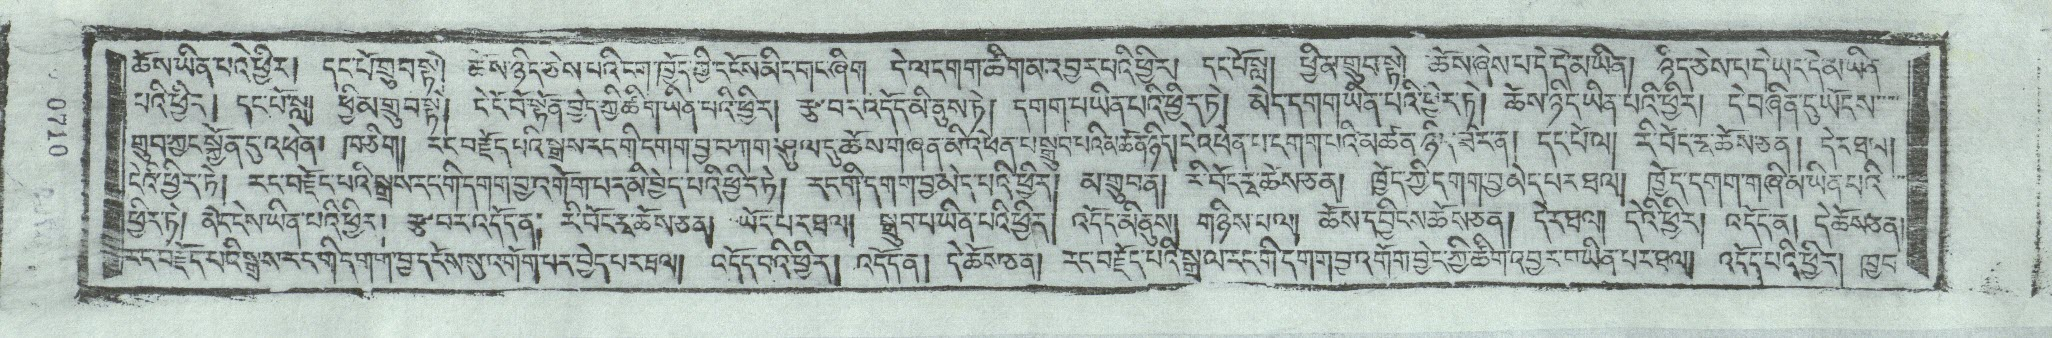ཆོས་ཡིན་པའི་ཕྱིར། དང་པོ་གྲུབ་སྟེ། ཆོས་ཉིད་ཅེས་པའི་དག་ཁྱོད་ཀྱི་དངོས་མིང་གང་ཞིག། དེ་ལ་དགག་ཚིག་མ་འབྱར་བའི་ཕྱིར། དང་པོ་སླ། ཕྱི་མ་གྲུབ་སྟེ། ཆོས་ཞེས་པ་དེ་དེ་མ་ཡིན། ཉིད་ཅེས་པ་དེ་ཡང་དེ་མ་ཡིན་
པའི་ཕྱིར། དང་པོ་སླ། ཕྱི་མ་གྲུབ་སྟེ། དེ་ངོ་བོ་སྟོན་བྱེད་ཀྱི་ཚིག་ཡིན་པའི་ཕྱིར། རྩ་བར་འདོད་མི་ནུས་ཏེ། དགག་པ་ཡིན་པའི་ཕྱིར་ཏེ། མེད་དགག་ཡིན་པའི་ཕྱིར་ཏེ། ཆོས་ཉིད་ཡིན་པའི་ཕྱིར། དེ་བཞིན་དུ་ཡོངས་
གྲུབ་ཀྱང་སྐྱོན་དུ་འཕེན། ཁ་ཅིག། རང་བརྗོད་པའི་སྒྲས་རང་གི་དགག་བྱ་བཀག་ཤུལ་དུ་ཆོས་གཞན་མི་འཕེན་པ་སྒྲུབ་པའི་མཚན་ཉིད། དེ་འཕེན་པ་དགག་པའི་མཚན་ཉིད་ཟེར་ན། དང་པོ་ལ། རི་བོང་རྭ་ཆོས་ཅན། དེར་ཐལ།
དེའི་ཕྱིར་ཏེ། རང་བརྗོད་པའི་སྒྲས་རང་གི་དགག་བྱ་འགོག་པར་མི་བྱེད་པའི་ཕྱིར་ཏེ། རང་གི་དགག་བྱ་མེད་པའི་ཕྱིར། མ་གྲུབ་ན། རི་བོང་རྭ་ཆོས་ཅན། ཁྱོད་ཀྱི་དགག་བྱ་མེད་པར་ཐལ། ཁྱོད་དགག་གཞི་མ་ཡིན་པའི་
ཕྱིར་ཏེ། མེད?་ངེས་ཡིན་པའི་ཕྱིར། རྩ་བར་འདོད་ན། རི་བོང་རྭ་ཆོས་ཅན། ཡོད་པར་ཐལ། སྒྲུབ་པ་ཡིན་པའི་ཕྱིར། འདོད་མི་ནུས། གཉིས་པ་ལ། ཆོས་དབྱིངས་ཆོས་ཅན། དེར་ཐལ། དེའི་ཕྱིར། འདོད་ན། དེ་ཆོས་ཅན།
རང་བརྗོད་པའི་སྒྲས་རང་གི་དགག་བྱ་དངོས་སུ་འགོག་པར་བྱེད་པར་ཐལ། འདོད་པའི་ཕྱིར། འདོད་ན། དེ་ཆོས་ཅན། རང་བརྗོད་པའི་སྒྲ་ལ་རང་གི་དགག་བྱ་འགོག་བྱེད་ཀྱི་ཚིག་འབྱར་བ་ཡིན་པར་ཐལ། འདོད་པའི་ཕྱིར། ཁྱབ་